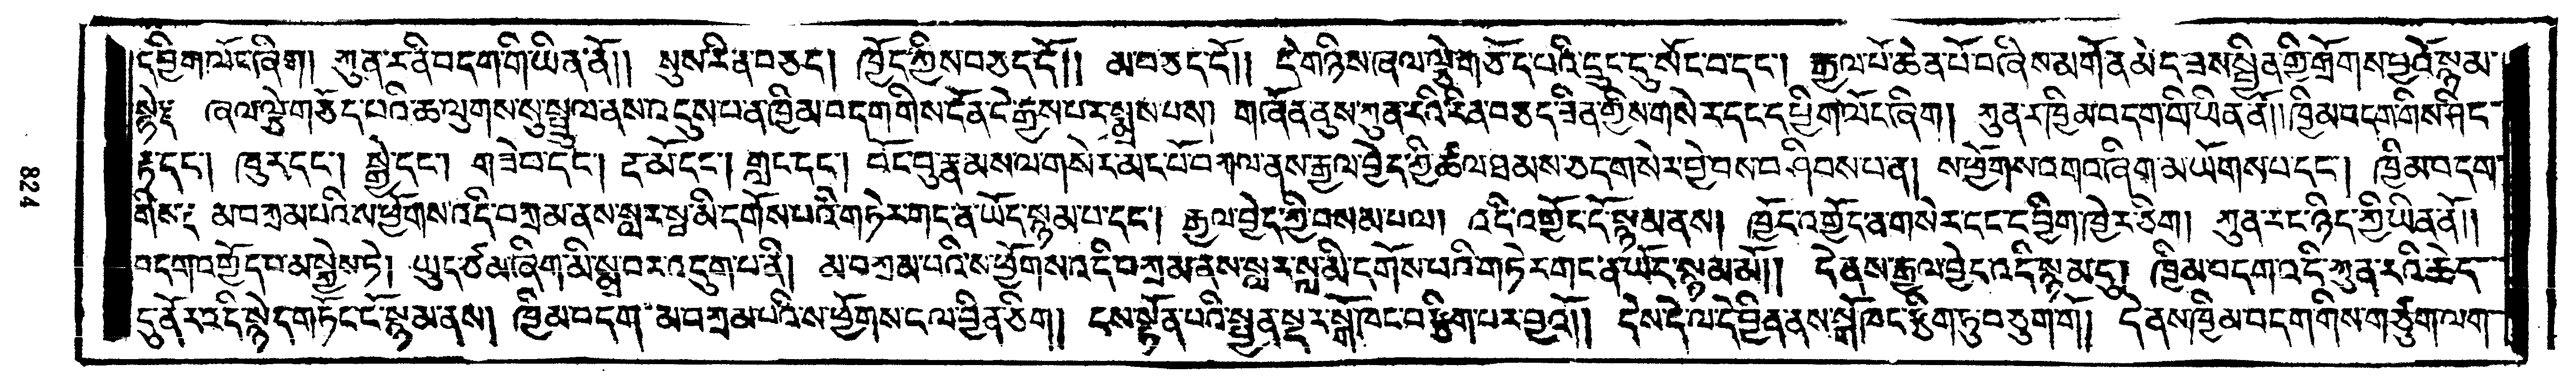དབྱིག་ལོང་ཞིག། ཀུན་ར་ནི་བདག་གི་ཡིན་ནོ།། སུས་རི་ན་བཅད། ཁྱོད་ཀྱིས་བཅད་དོ།། མ་བཅད་དོ།། དེ་གཉིས་ཞལ་ལྕེ་གཅོད་པའི་དྲུང་དུ་སོང་བ་དང་། རྒྱལ་པོ་ཆེན་པོ་བཞིས་མགོན་མེད་ཟས་སྦྱིན་གྱི་གྲོགས་བྱའོ་སྙམ་
སྟེ༑ ཞལ་ལྕེ་གཅོད་པའི་ཆ་ལུགས་སུ་སྤྲུལ་ནས་འདུས་པ་ན་ཁྱིམ་བདག་གིས་དོན་དེ་རྒྱས་པར་སྨྲས་པས། གཞོན་ནུས་ཀུན་རའི་རིན་བཅད་ཟིན་གྱིས་གསེར་དང་དཔྱིག་ལོང་ཞིག། ཀུན་ར་ཁྱིམ་བདག་གི་ཡིན་ནོ།།ཁྱིམ་བདག་གིས་ཤིང་
རྟ་དང་། ཁུར་དང་། སྒྱེ་དང་། གཟེབ་དང་། རྡ་མོ་དང་། གླང་དང་། བོང་བུ་རྣམས་ལ་གསེར་མང་པོ་བཀལ་ནས་རྒྱལ་བྱེད་ཀྱི་ཚལ་ཐམས་ཅད་གསེར་བྱེ་བས་བཤིབས་པ་ན། ས་ཕྱོགས་འགའ་ཞིག་མ་ཡོགས་པ་དང་། ཁྱིམ་བདག་
གིས༑ མ་བཀྲམ་པའི་ས་ཕྱོགས་འདི་བཀྲམ་ནས་སླར་སྦ་མི་དགོས་པའི་གཏེར་གང་ན་ཡོད་སྙམ་པ་དང་། རྒྱལ་བྱེད་ཀྱི་བསམ་པ་ལ། འདི་འགྱོད་དོ་སྙམ་ནས། ཁྱོད་འགྱོད་ན་གསེར་དང་དབྱིག་ཁྱེར་ཅིག། ཀུན་རང་ཉིད་ཀྱི་ཡིན་ནོ།།
བདག་འགྱོད་པ་མ་སྐྱེས་ཏེ། ཡུད་ཙམ་ཞིག་མི་སྨྲ་བར་འདུག་པ་ནི། མ་བཀྲམ་པའི་ས་ཕྱོགས་འདི་བཀྲམ་ནས་སླར་སླ་མི་དགོས་པའི་གཏེར་གང་ན་ཡོད་སྙམ་མོ།། དེ་ནས་རྒྱལ་བྱེད་འདི་སྙམ་དུ། ཁྱིམ་བདག་འདི་ཀུན་རའི་ཆེད་
དུ་ནོར་འདི་སྙེད་གཏོང་ངོ་སྙམ་ནས། ཁྱིམ་བདག་མ་བཀྲམ་པའི་ས་ཕྱོགས་ངལ་བྱིན་ཅིག། ངས་སྟོན་པའི་སྤྱན་སྡར་སྒོ་ཁང་བརྩིག་པར་བྱའོ།། དེས་དེ་ལ་དེ་བྱིན་ནས་སྒོ་ཁང་རྩིག་ཏུ་བཅུག་གོ། དེ་ནས་ཁྱིམ་བདག་གིས་གཙུག་ལག་